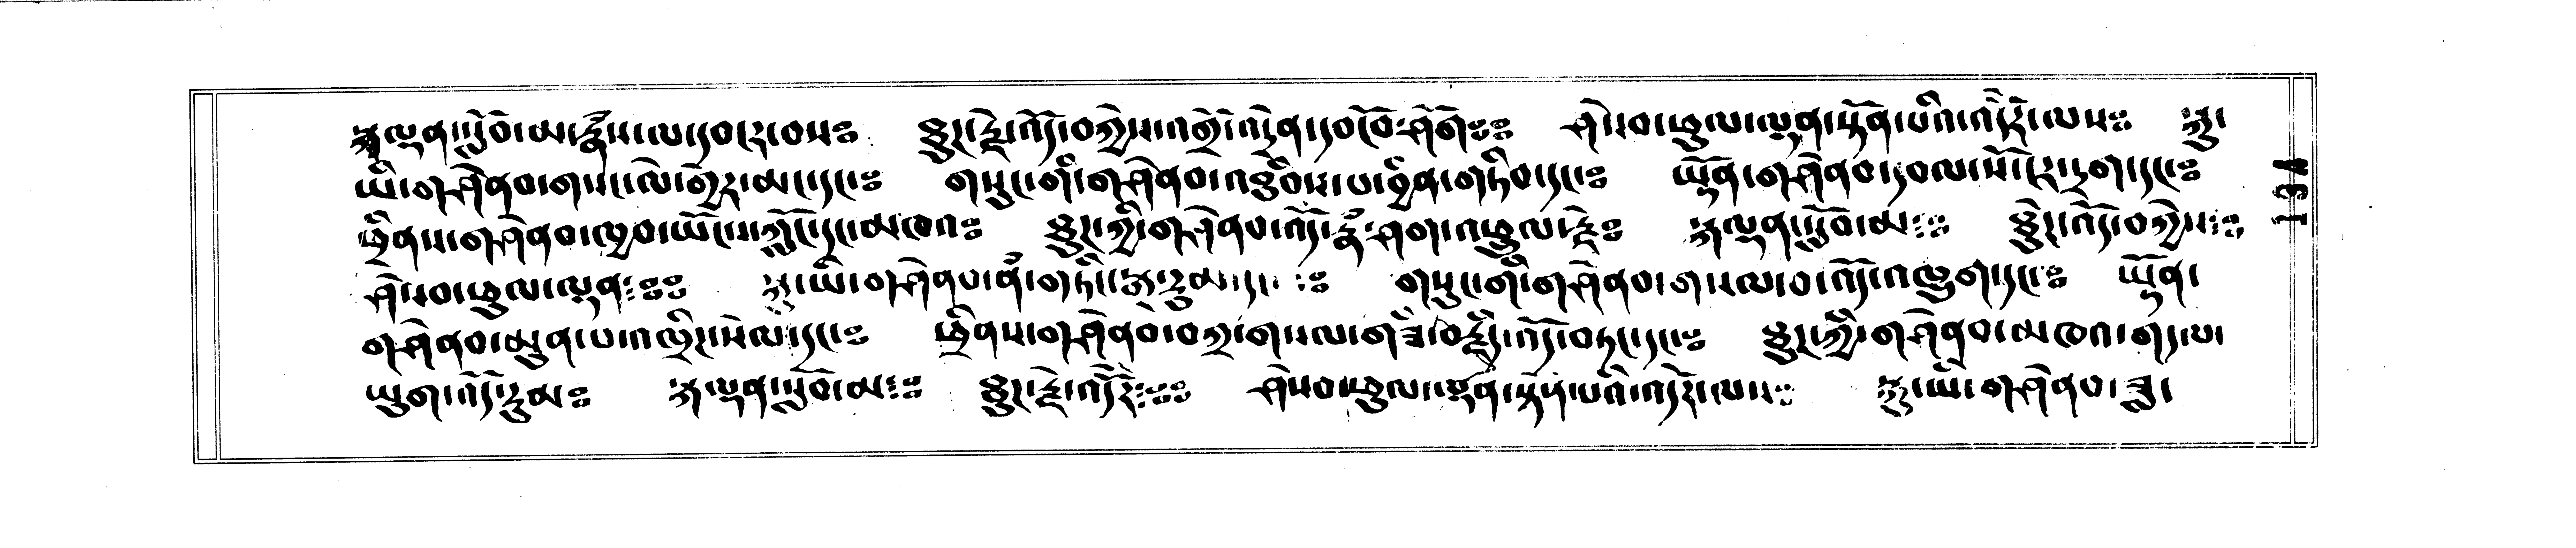སྐལ་ལྡན་སློབ་མ་རྣམས་ལ་དབང་བསྐུར་བསཿ ཐུགས་རྗེ་འོད་བསྐྱེད་འགྲོ་འདྲེན་དབང་ཐོབ་ཤོགཿ ཤེས་རབ་ཕུལ་ལྡན་སྟོན་པའི་འོད་ཟེར་ལསཿ སྐུ་
ཡི་གཤེན་རབ་གསང་ལེ་གྱེར་མང་དངཿ གསུང་གི་གཤེན་རབ་འཐིབ་པ་བྱིན་གཏིབ་དངཿ ཡོན་ཏན་གྱི་གཤེན་རབ་དབལ་སོ་ངར་དྲག་དངཿ 
ཕྲིན་ལས་ཀྱི་གཤེན་རབ་ཁྱབ་ཡངས་ཀློང་མཁའདངཿ ཐུགས་ཀྱི་གཤེན་རབ་འོད་ནམ་ཤག་འཕྲུལ་རྗེ་ཡིསཿ སྐལ་ལྡན་སློབ་མ་རྣམས་ལ་དབང་བསྐུར་བསཿ ཐུགས་རྗེ་འོད་བསྐྱེད་འགྲོ་འདྲེན་དབང་ཐོབ་ཤོགཿ 
ཤེས་རབ་ཕུལ་ལྡན་སྟོན་པའི་འོད་ཟེར་ལསཿ སྐུ་ཡི་གཤེན་རབ་ནམ་ཏིང་སྒྲ་རུམ་དངཿ གསུང་གི་གཤེན་རབ་གསལ་འབར་འོད་འཁྱུགས་དངཿ ཡོན་ཏན་
གཤེན་རབ་མུན་པའི་ཁྲིག་སེལ་དངཿ ཕྲིན་ལས་ཀྱི་གཤེན་རབ་བཀྲ་གསལ་གཟི་བརྗིད་འོད་བཏང་དངཿ ཐུགས་ཀྱི་གཤེན་རབ་མཁའ་བདལ་
ཡུག་རུམཿ སྐལ་ལྡན་སློབ་མ་རྣམས་ལ་དབང་བསྐུར་བསཿ ཐུགས་རྗེ་འོད་བསྐྱེད་འགྲོ་འདྲེན་དབང་ཐོབ་ཤོགཿ ཤེས་རབ་ཕུལ་ལྡན་སྟོན་པའི་འོད་ཟེར་ལསཿ སྐུ་ཡི་གཤེན་རབ་ཟླ་